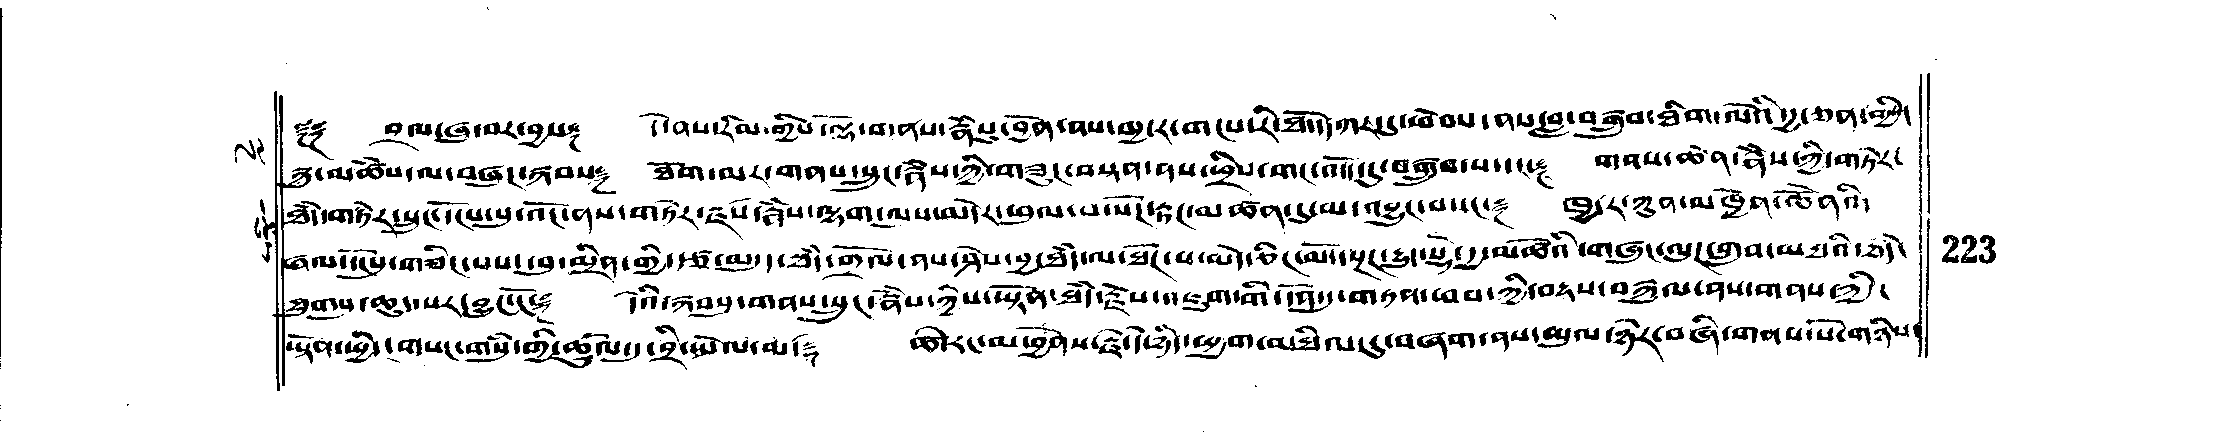བྲལ་ཞུ་བར་བྱས། དེ་ནས་རིམ་གྱིས་ལྷོ་གནས་རྣམས་སུ་བྱོན་ནས་ཁྱད་པར་གངས་རི་ཐོད་དཀར་དུ་ཕེབས་ནས་བླ་སྒྲུབ་ཐིག་ལེའི་རྒྱ་ཅན་གྱི་
སྐུ་མཚམས་ལ་བཞུགས་སྐབས། ཐོག་མར་གནས་སྲུང་རྣམས་ཀྱིས་གཟུགས་བསྟན་ནས་ཕྲིན་ལས་གང་འདོད་དུ་བསྒྲུབ་པ་དང་། གནས་ཆེན་རྣམས་ཀྱི་གཏེར་
ཐམས་ཅད་གཏེར་སྲུང་དངོས་སུ་འོང་ནས་གཏེར་རྫས་རྣམས་ལྷག་ལུས་མེད་པར་ཕུལ་བ་སོགས་རྟགས་མཚན་དུ་མ་བྱུང་བ་དང་། ཁྱད་པར་ཀུན་མཁྱེན་ཆེན་པོའི་
ཞལ་དངོས་སུ་གཟིགས་པས་དབུ་མགྲིན་གྱི་རྩ་མདུད་ཐམས་ཅད་གྲོལ་ནས་ཤེས་བྱ་ཐམས་ཅད་ལ་ཐོགས་པ་མེད་ཅིང་མདོ་སྔགས་རྒྱུད་སྡེ་རྒྱ་མཚོའི་གཞུང་ལུགས་གྲུབ་མཐའ་ཐམས་ཅད་
ཐུགས་སུ་ཆུད་པར་བྱུང་ངོ་། དེའི་སྐབས་སུ་གནས་སྲུང་རྣམས་ཀྱིས་ཡོན་ཏན་ཐམས་ཅད་རྗེས་འཇུག་གི་དོན་དུ་གཏན་ཕབ་ཀྱི་བརྡས་བསྐུལ་ནས་གནས་ཀྱི་
ཡོན་ཏན་ཕྱི་ནང་གསང་གསུམ་གྱི་ཚུལ་དུ་བྲི་སྤེལ་མཛད། ཚེ་རིང་མ་བྱོན་ནས་རྗེ་དེ་ཉིད་ཕྱག་མཐིལ་དུ་བཞག་ནས་ཡུལ་ཉེར་བཞི། གནས་སོ་གཉིས།